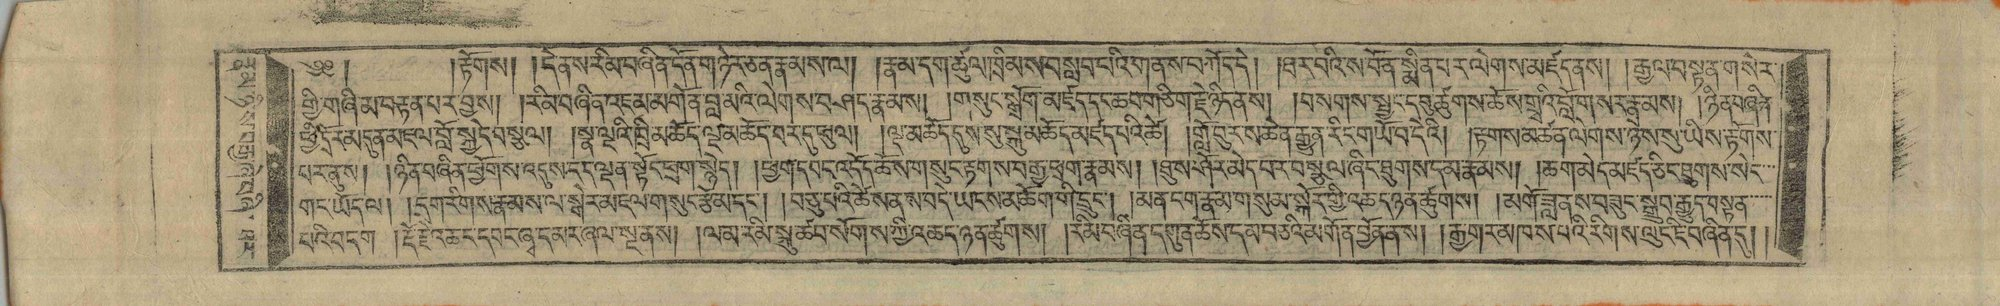༄༅། །རྟོགས། །དེ་ནས་རིམ་བཞིན་དོན་གཉེར་ཅན་རྣམས་ལ། །རྣམ་དག་ཚུལ་ཁྲིམས་བསླབ་པའི་གནས་བཀོད་དེ། །ཐར་པའི་ས་བོན་སྨིན་བར་ལེགས་མཛད་ནས། །རྒྱལ་བསྟན་གསེར་
གྱི་གཞི་མ་བརྟན་པར་བྱས། །རིམ་བཞིན་འཇམ་མགོན་བླ་མའི་ལེགས་བཤད་རྣམས། །གསུང་སྒྲོག་མཛད་དང་ཆབ་གཅིག་རྗེ་ཉིད་ནས། །བསགས་སྦྱང་དབུ་ཚུགས་ཆོས་གྲྭའི་བློ་གསར་རྣམས། །ཉིན་བཞིན་
ཕྱི་དྲོར་མདུན་མཇལ་བློ་སྐྱེད་བསྩལ། །སྣ་ལྔའི་ཁྲི་མཆོད་ལྔ་མཆོད་བར་དུ་ཕུལ། །ལྔ་མཆོད་དུས་སུ་སྐུ་མཆོད་མཛད་པའི་ཚེ། །གློ་བུར་ས་ཆེན་རྒྱུན་རིང་གཡོ་བ་དེའི། །རྟགས་མཚན་ལེགས་ཉེས་སུ་ཡིས་རྟོགས་
པར་ནུས། །ཉིན་བཞིན་ཕྱོགས་འདུས་དད་ལྡན་སྟོང་ཕྲག་སྙེད། །ཕྱག་དབང་འདོད་ཆོས་གསུང་རྟགས་བརྒྱ་ཕྲག་རྣམས། །ཐུས་ཤོར་མེད་པར་བསྩལ་ཞིང་ཐུགས་དམ་རྣམས། །ཆག་མེད་མཛད་ཅིང་ཐུགས་སེང་
གང་ཡོད་ལ། །དྲག་རིགས་རྣམས་ལ་སྒེར་མཇལ་གསུང་རྩོམ་དང་། །བཅུ་པའི་ཚེས་ནས་བདེ་ཡངས་མཆོག་གི་དྲུང་། །མན་ངག་རྣམ་གསུམ་སྐོར་གྱི་འཆད་ཉན་ཚུགས། །མགོ་ཟླ་ནས་བཟུང་སྒྲུབ་རྒྱུད་བསྟན་
པའི་བདག །རྡོ་རྗེ་འཆང་དབང་ཞྭ་དམར་ཞལ་སྔ་ནས། །ལམ་རིམ་སྐུ་ཚབ་སོགས་ཀྱི་འཆད་ཉན་ཚུགས། །རིམ་བཞིན་དགུན་ཆོས་དམ་བཅའི་མགོན་བྱོན་ནས། །རྒྱ་གར་མཁས་པའི་རིགས་ལུང་ཇི་བཞིན་དུ། །